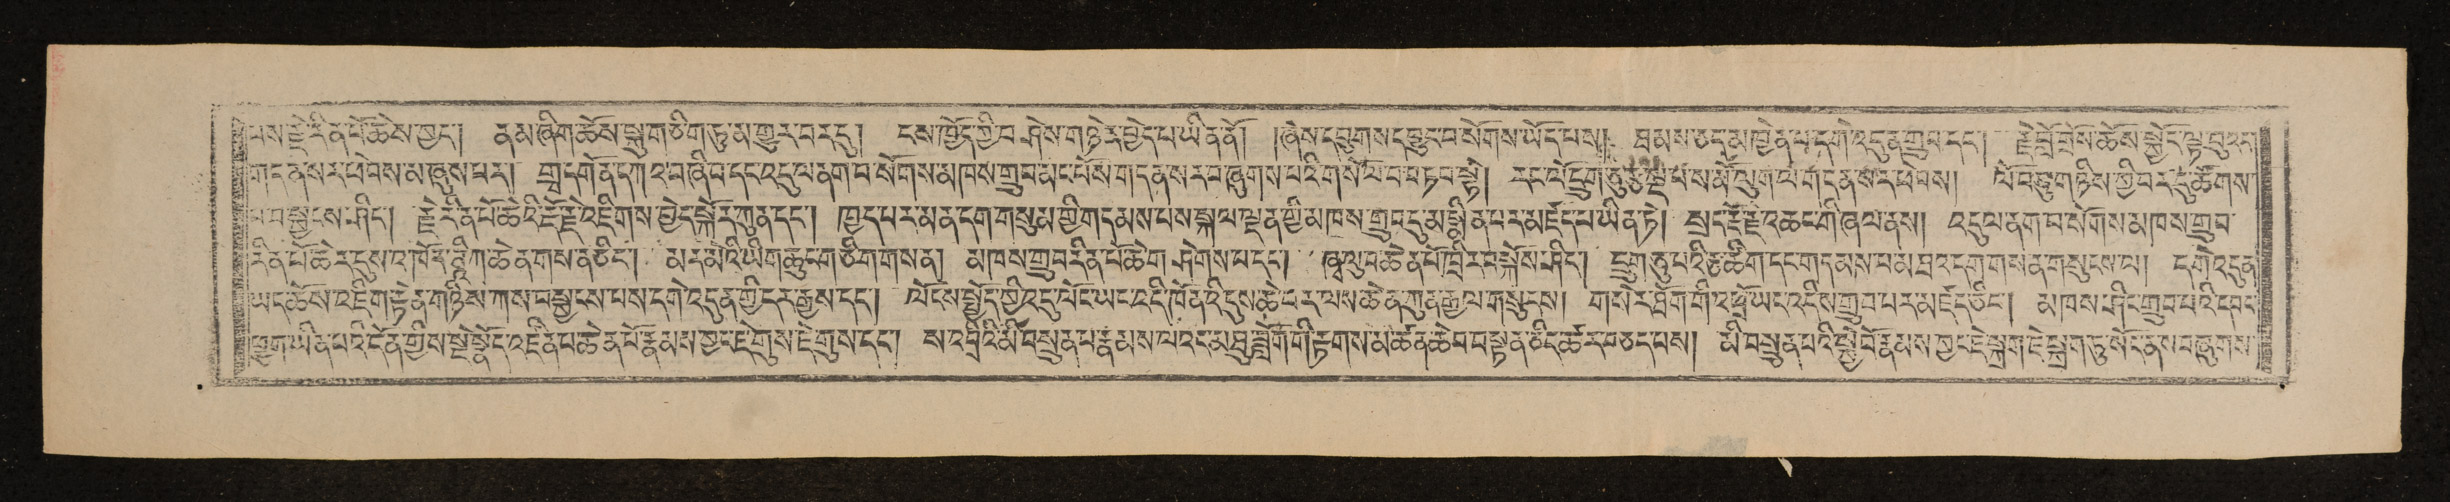པས་རྗེ་རིན་པོ་ཆེས་ཀྱང་། ནམ་ཞིག་ཆོས་སྐུ་གཅིག་ཏུ་མ་གྱུར་བར་དུ། ངས་ཁྱོད་ཀྱི་བཤེས་གཉེན་བྱེད་པ་ཡིན་ནོ། །ཞེས་དབུགས་དབྱུང་བ་སོགས་ཡོད་པས། ཐམས་ཅད་མཁྱེན་པ་དགེ་འདུན་གྲུབ་དང་། རྗེ་བློ་གྲོས་ཆོས་སྐྱོང་ལྟ་བུ་ལ་
གདན་སར་ཕེབས་མ་ཞུས་པར། གྲྭ་དགོན་དཀའ་བཞི་བ་དང་འདུལ་ནག་པ་སོགས་མཁས་གྲུབ་མང་པོས་གདན་སར་བཞུགས་པའི་གསོལ་བ་བཏབ་སྟེ། རང་ལོ་དྲུག་ཅུ་རྩ་ལྔ་བ་ས་མོ་ལུག་ལ་གདན་སར་ཕེབས། ལོ་བཅུ་གཉིས་ཀྱི་བར་དུ་ཚོགས་
པ་བསྐྱངས་ཤིང་། རྗེ་རིན་པོ་ཆེའི་རྡོ་རྗེ་འཇིགས་བྱེད་སྐོར་ཀུན་དང་། ཁྱད་པར་མན་ངག་གསུམ་གྱི་གདམས་པས་སྐལ་ལྡན་གྱི་མཁས་གྲུབ་དུ་མ་སྨིན་པར་མཛད་པ་ཡིན་ཏེ། སྲང་རྡོ་རྗེ་འཆང་གི་ཞལ་ནས། འདུལ་ནག་པ་སོགས་མཁས་གྲུབ་
རིན་པོ་ཆེར་དུས་འཁོར་ནཱིཀ་ཆེན་གསན་ཅིང་། མར་མེའི་ཡིག་ཆུང་གཅིག་གསན། མཁས་གྲུབ་རིན་པོ་ཆེ་གཤེགས་པ་དང་། ཞྭ་ལུ་བ་ཆེན་པོ་ཁྲིར་བསྐོས་ཤིང་། དྲུག་ཅུ་པའི་རྩ་ཚིག་དང་གདམས་པ་མཐའ་དག་གསན་གསུངས་ལ། དགེ་འདུན་
ཡང་ཆོས་འཇིག་རྟེན་གཉིས་ཀས་བསྐྱངས་པས་དགེ་འདུན་གྱི་དར་རྒྱས་དང་། ལོངས་སྤྱོད་ཀྱི་འདུ་ལོང་ཡང་འདི་ཁོ་ནའི་དུས་ཆེ་བར་ལས་ཆེན་ཀུན་རྒྱལ་གསུངས། གསེར་ཐོག་གི་འཕྲོ་ཡང་འདིས་གྲུབ་པར་མཛད་ཅིང་། མཁས་ཤིང་གྲུབ་པའི་དབང་
ཕྱུག་ཡིན་པའི་དོན་གྱིས་སྡེ་སྣོད་འཛིན་པ་ཆེན་པོ་རྣམས་ཀྱང་ཇེ་གུས་ཇེ་གུས་དང་། ས་འབྲིའི་མི་བསྲུན་པ་རྣམས་ལའང་མཐུ་ཟློག་གི་རྟགས་མཚན་ཆེ་བ་བསྟན་ཅིང་ཚར་བཅད་པས། མི་བསྲུན་པའི་སྐྱེ་བོ་རྣམས་ཀྱང་ཇེ་སྐྲག་ཇེ་སྐྲག་ཏུ་སོང་ནས་བཞུགས་